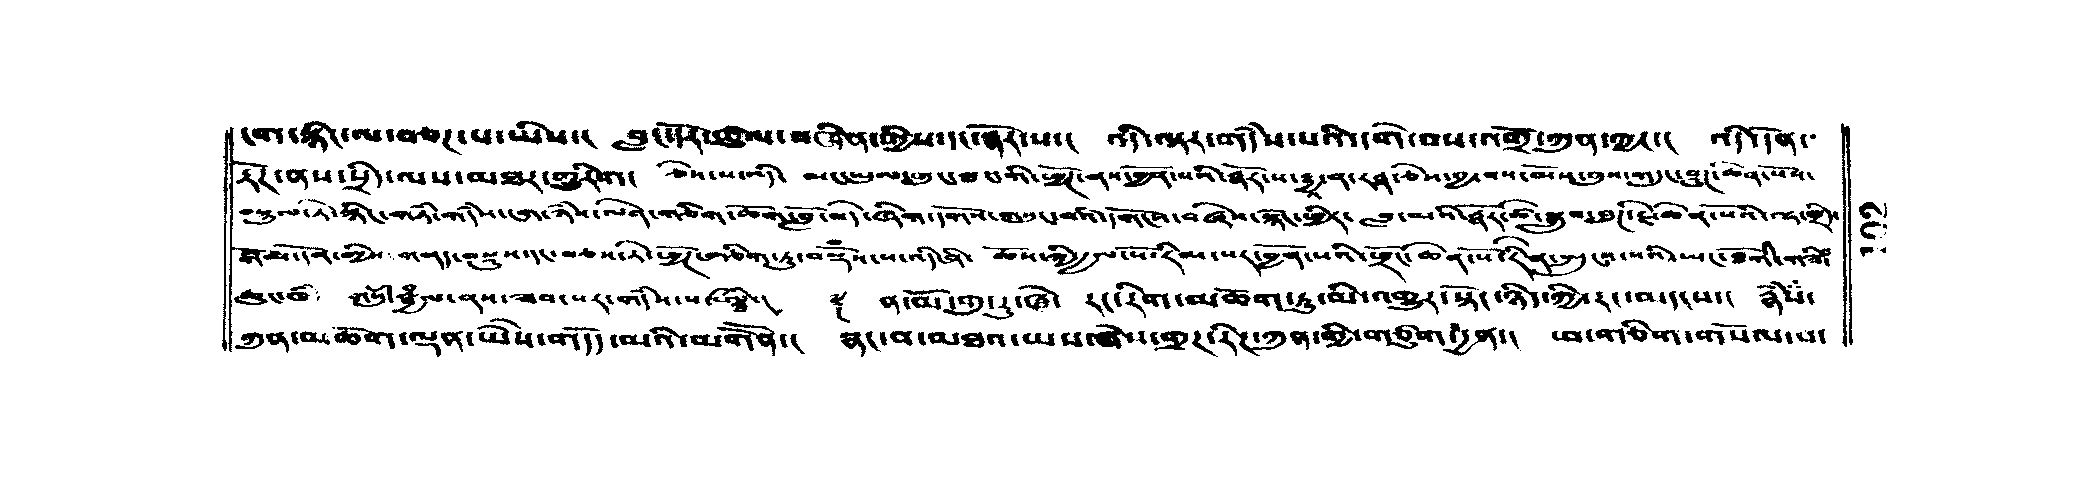ངག་སྙིང་ལ་བཅགས་པ་ཡིས། །བླང་དོར་ཚུལ་བཞིན་གྱིས་དང་རྣལ་འབྱོར་པ། །འདི་ལྟར་གདམས་པའི་དགེ་བས་འགྲོ་ཀུན་ཀྱང་། །འདི་དོན་
རྟོགས་ན་སྲིད་ལས་མཐར་གྱུར་ཅིག ཅེས་པ་འདི་མང་ཡུལ་གུང་ཐང་གི་ཕྱོགས་ནས་བྱོན་པའི་རྣལ་འབྱོར་པ་དྷྱཱ་ན་རཏྣ་ཞེས་བྱ་བས་མོས་གུས་གདུང་ཤུགས་ཆེན་པོས་
བསྐུལ་ཏེ་སྙིང་གཏམ་གདམས་ངག་ཉམས་ལེན་གཅིག་ཆོག་བློ་བདེ་ཞིག་དགོས་གསུངས་བའི་དགོངས་བཞེད་སྐོང་ཕྱིར། བླ་མའི་རྣལ་འབྱོར། ཚེ་སྒྲུབ། ཐུགས་རྗེ་ཆེན་པོའི་ལྷ་ཁྲིད་
སྒོམ་དོན་གྱིས་གནས་བསྡུས་དང་བཅས་ཏེ་ཕྱོགས་གཅིག་ཏུ་བསྡོམས་པ་འདི་ནི། ཆོས་ཀྱི་རྒྱལ་པོ་རིམ་པར་བྱོན་པའི་ཕོ་བྲང་ཆེན་པོ་རིན་ཆེན་སྤུངས་པའི་ཡང་ཐོག་གི་གཟིམ་
ཆུང་ཁམས་གསུམ་རྣམ་རྒྱལ་ནས་ཟབ་པར་གདམས་པ་།། ༈ ན་མོ་གུ་རུ་ཝེ། རང་རིག་མཆོག་ཏུ་མི་འགྱུར་སྟོང་ཉིད་ཀྱི་རང་མདངས། །རྣམ་
ཀུན་མཆོག་ལྡན་ཡེ་ཤེས་གདོད་མ་ཡི་མགོན་པོ། །སྣང་བ་མཐའ་ཡས་ཞེས་གྲགས་རིགས་ཀུན་གྱི་གཙུག་རྒྱན། །ཕ་གཅིག་གསོལ་བ་